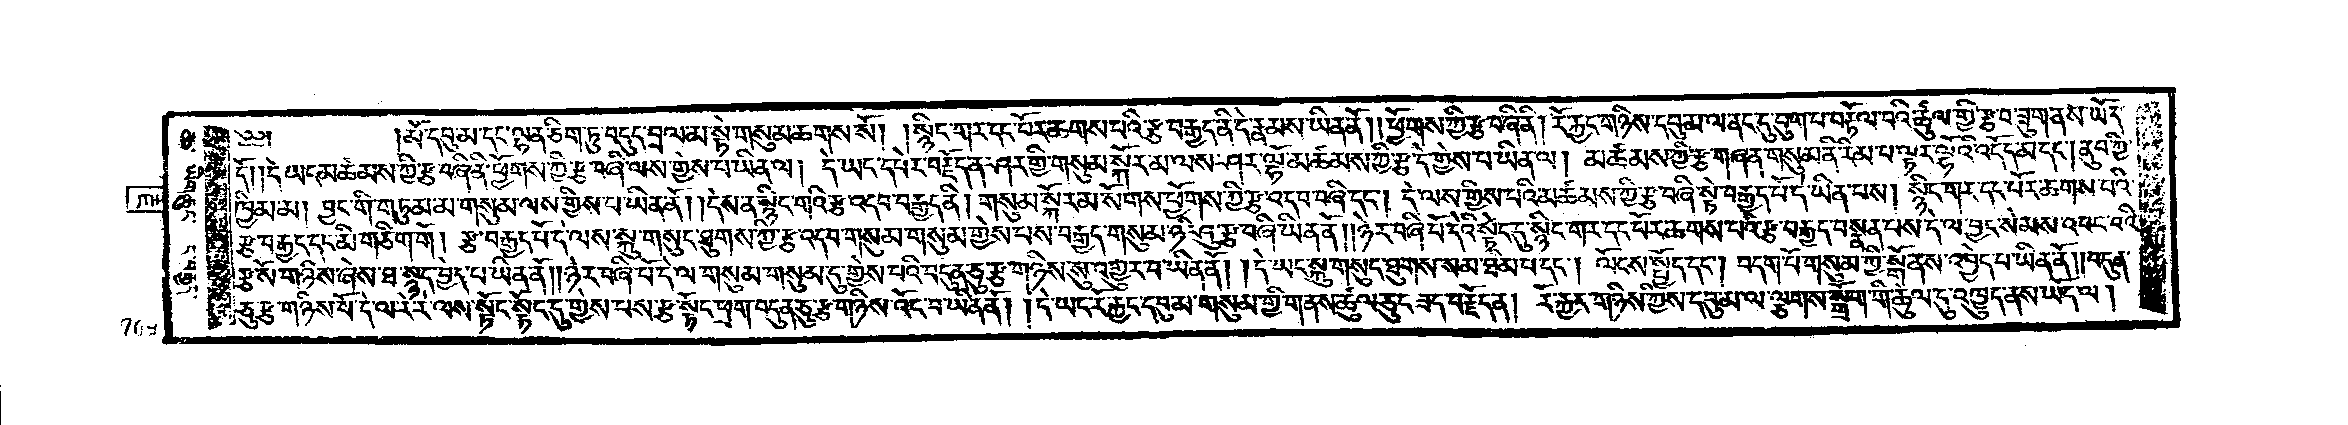༄༅། །མོ་དབུ་མ་དང་ལྷན་ཅིག་ཏུ་བདུད་བྲལ་མ་སྟེ་གསུམ་ཆགས་སོ། །སྙིང་གར་དང་པོར་ཆགས་པའི་རྩ་བརྒྱད་ནི་དེ་རྣམས་ཡིན་ནོ། །ཕྱོགས་ཀྱི་རྩ་བཞི་ནི། རོ་རྐྱང་གཉིས་དབུ་མ་ལ་ནང་དུ་བུག་པ་བརྟོལ་བའི་ཚུལ་གྱི་རྩ་བ་ཟུག་ནས་ཡོད་
དོ།།དེ་ཡང་མཚམས་ཀྱི་རྩ་བཞི་ནི་ཕྱོགས་ཀྱི་རྩ་བཞི་ལས་གྱིས་པ་ཡིན་ལ། དེ་ཡང་དཔེར་བརྗོད་ན་ཤར་གྱི་གསུམ་སྐོར་མ་ལས་ཤར་ལྷོ་མཚམས་ཀྱི་རྩ་དེ་གྱེས་པ་ཡིན་ལ། མཚམས་ཀྱི་རྩ་གཞན་གསུམ་ནི་རིམ་པ་ལྟར་ལྷོའི་འདོད་མ་དང་། ནུབ་ཀྱི་
ཁྱིམ་མ། བྱང་གི་གཏུམ་མ་གསུམ་ལས་གྱིས་པ་ཡིན་ནོ། །དེས་ན་སྙིང་གའི་རྩ་འདབ་བརྒྱད་ནི། གསུམ་སྐོར་མ་སོགས་ཕྱོགས་ཀྱི་རྩ་འདབ་བཞི་དང་། དེ་ལས་གྱེས་པའི་མཚམས་ཀྱི་རྩ་བཞི་སྟེ་བརྒྱད་པོ་དེ་ཡིན་པས། སྙིང་གར་དང་པོར་ཆགས་པའི་
རྩ་བརྒྱད་དང་མི་གཅིག་གོ །རྩ་བརྒྱད་པོ་དེ་ལས་སྐུ་གསུང་ཐུགས་ཀྱི་རྩ་འདབ་གསུམ་གསུམ་གྱེས་པས་བརྒྱད་གསུམ་ཉི་ཤུ་རྩ་བཞི་ཡིན་ནོ། །ཉེར་བཞི་པོ་དེའི་སྟེང་དུ་སྙིང་གར་དང་པོར་ཆགས་པའི་རྩ་བརྒྱད་བསྣན་པས་དེ་ལ་བྱང་སེམས་འབབ་པའི་
རྩ་སོ་གཉིས་ཞེས་ཐ་སྙད་བྱེད་པ་ཡིན་ནོ། །ཉེར་བཞི་པོ་དེ་ལ་གསུམ་གསུམ་དུ་གྱེས་པའི་བདུན་ཅུ་རྩ་གཉིས་སུ་འགྱུར་བ་ཡིན་ནོ། །དེ་ཡང་སྐུ་གསུང་ཐུགས་སམ་ཐིམ་པ་དང་། ལོངས་སྤྱོད་དང་། བདག་པོ་གསུམ་གྱི་སྒོ་ནས་འབྱེད་པ་ཡིན་ནོ། །བདུན་
ཅུ་རྩ་གཉིས་པོ་དེ་ལ་རེ་རེ་ལས་སྟོང་སྟོང་དུ་གྱིས་པས་རྩ་སྟོང་ཕྲག་བདུན་ཅུ་རྩ་གཉིས་འོང་བ་ཡིན་ནོ། །དེ་ཡང་རོ་རྐྱང་གསུམ་ཀྱི་གནས་ཚུལ་ཅུང་ཟད་བརྗོད་ན། རོ་རྐྱང་གཉིས་ཀྱིས་དབུ་མ་ལ་ལྕགས་སྒྲོག་གི་ཚུལ་དུ་འཁྱུད་ནས་ཡོད་ལ།